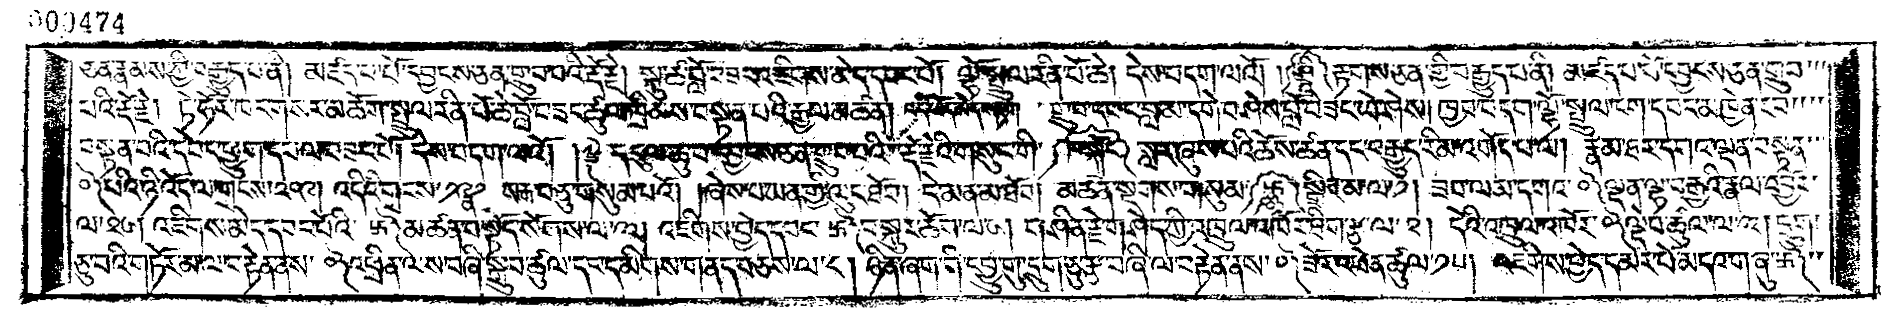ཅན་རྣམས་ཀྱི་བརྒྱུད་པ་ནི། མཛད་པ་པོ་དབྱངས་ཅན་གྲུབ་པའི་རྡོ་རྗེ། སྐུ་ཚ་བློ་བཟང་འཇིགས་མེད་དབང་པོ། ལྷོ་སྤྲུལ་རིན་པོ་ཆེ། དེས་བདག་ལའོ། །༼ཤྲཱི༽ རྟགས་ཅན་གྱི་བརྒྱུད་པ་ནི། མཛད་པ་པོ་དབྱངས་ཅན་གྲུབ་པ་
པའི་རྡོ་རྗེ། ཏེ་ཧོར་ཁང་གསར་མཆོག་སྤྲུལ་རིན་པོ་ཆེ་བློ་བཟང་ཚུལ་ཁྲིམས་བསྟན་པའི་རྒྱལ་མཚན། འདི་ཡོད་མེད་བརྟག་གྲུབ་དབང་བླ་མ་དགེ་བཤེས་བློ་བཟང་ཡེ་ཤེས། ཁྱབ་བདག་ལྷོ་སྤྲུལ་ངག་དབང་མཁྱེན་རབ་
བསྟན་པའི་དབང་ཕྱུག་དཔལ་བཟང་པོ། དེས་བདག་ལའོ། །༈ དངུལ་ཆུ་བ་དབྱངས་ཅན་གྲུབ་པའི་རྡོ་རྗེའི་གསུང་གི ༼ཁ་སྐོང༽ སླར་ཞུས་པའི་ཆོས་ཚན་དང་བརྒྱུད་རིམ་འགོད་པ་ལ། རྣམ་ཐར་དགའ་ལྡན་བསྟན་
྾༼་པའི་ཉི་འོད་ལ་གྲངས ༢༠༩། འདིའི་གྲངས ༡༩༡ན་སརྒ་བཅུ་གསུམ་པའོ། །ཞེས་པ་ཡན་གྱི་ལུང་ཐོབ། དེ་མན་མ་ཐོབ། མཚན་སྔགས་གསུམ་༽~྾༼་སྒྲིཊ་མ་ལ༡། ཟབ་ལམ་དགའ་྾༽ ལྡན་ལྷ་བརྒྱའི་རྣལ་འབྱོར་
ལ ༢༦། འཇིགས་མེད་དབང་པོའི་མཚན་བསྟོད་སོགས་ལ ༣། འཇིགས་བྱེད་དབང་བསྐུར་ཆོག་ལ༦། གཤིན་རྗེ་གཤེད་ཀྱི་འཁྲུལ་འཁོར་ཐིག་རྩ་ལ༢། དེའི་འཁྲུལ་འཁོར་྾་ལྡེབ་ཚུལ་ལ༣། དྲུག།
ཅུ་བའི་གཏོར་མ་ལ་བརྟེན་ནས་྾༼་འཕྲིན་ལས་བཞི་སྒྲུབ་ཚུལ་དང་དམིགས་གནད་བཅས་ལ༨། ཉིན་ཞག་གི་དབྱུ་གུ་དྲུག་ཅུ་རྩ་བཞི་ལ་བརྟེན་ནས་྾༽ ཟེར་འཕེན་ཚུལ ༡༥། འཇིགས་བྱེད་དམར་པོ་མདའ་གཞུ་